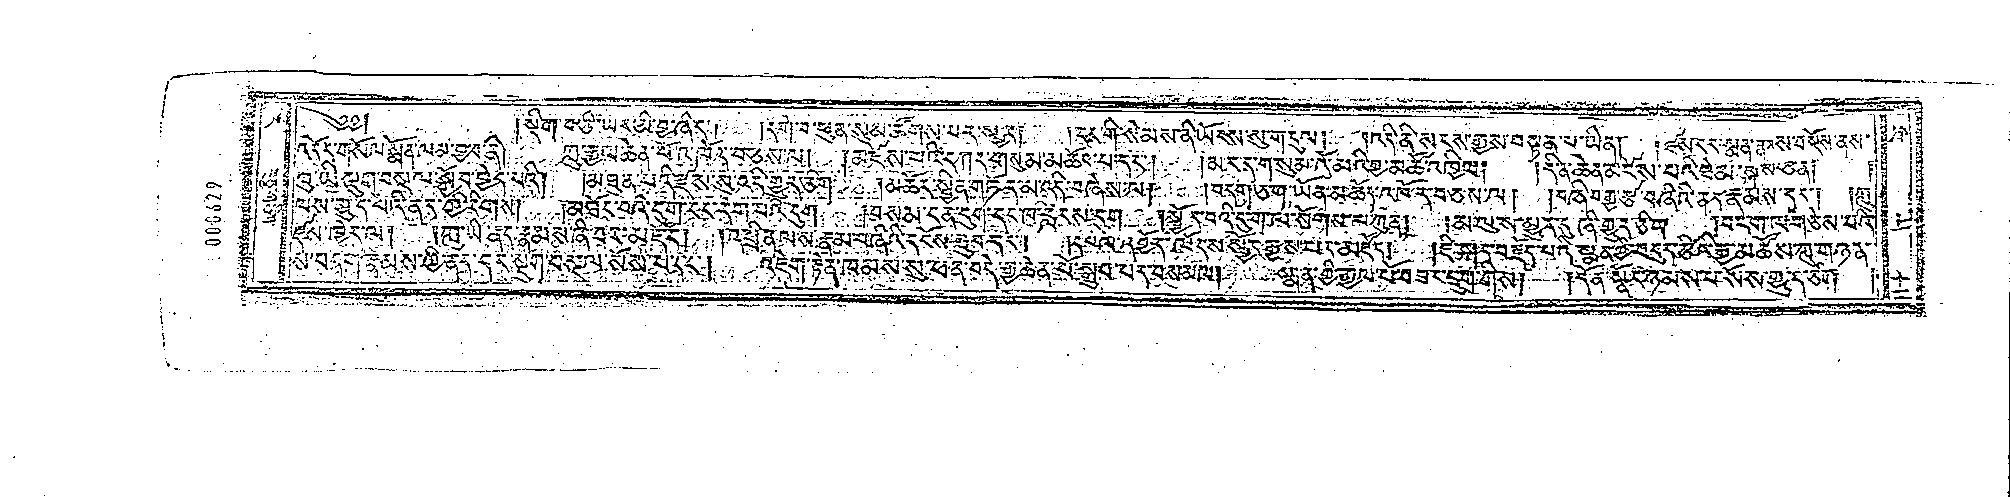༄༅། །སྡིག་པ་ཅི་ཡང་མི་བྱ་ཞིང་། །དགེ་བ་ཕུན་སུམ་ཚོགས་པར་སྤྱད། །རང་གི་སེམས་ནི་ཡོངས་སུ་གདུལ། །འདི་ནི་སངས་རྒྱས་བསྟན་པ་ཡིན། །རྫས་དང་སྨན་རྣམས་བསྡོས་ནས་
འདོད་གསོལ་སྨོན་ལམ་བྱ་བ་ནི། ཀླུ་རྒྱལ་ཆེན་པོ་འཁོར་བཅས་ལ། །མཛེས་པའི་དཀར་གསུམ་མཆོད་པ་དང་། །མདར་གསུམ་འོ་མའི་རྒྱ་མཚོ་འཁྱིལ། །རིན་ཆེན་མཛེས་པའི་ཐེམ་སྐས་ཅན། །
བུ་ཡི་སྡུག་བསྔལ་སྐྱོབ་བྱེད་པའི། །མཐུན་པའི་རྫས་སུ་འདི་གྱུར་ཅིག །མཆོད་སྦྱིན་གཏོར་མ་འདི་བཞེས་ལ། །བདག་ཅག་ཡོན་མཆོད་འཁོར་བཅས་ལ། །བཞི་བརྒྱ་རྩ་བཞིའི་ནད་རྣམས་དང་། །ཀླུ་
ལས་གྱུར་པའི་ནད་ཀྱི་རིགས། །མཐོང་བའི་དུག་དང་རེག་པའི་དུག །བསམ་དན་དུག་དང་ཁ་རློངས་དུག །སྦྱོར་བའི་དུག་ལ་སོགས་པ་ཀུན། །མ་ལུས་མྱུར་དུ་ཞི་གྱུར་ཅིག །བདག་ལ་གཅེས་པའི་
རྫས་ཁྱེར་ལ། །ཀླུ་ཡི་ནང་རྣམས་ཞི་བར་མཛོད། །འཕྲིན་ལས་རྣམ་བཞིའི་དངོས་གྲུབ་དང་། །དཔལ་འབྱོར་ལོངས་སྤྱོད་རྒྱས་པར་མཛོད། །ཇི་སྐད་བརྗོད་པའི་སྨན་གྱི་བདུད་རྩིའི་རྒྱ་མཚོས་ཀླུ་གཉན་
ས་བདག་རྣམས་ཀྱི་ནད་དང་སྡུག་བསྔལ་སོས་པ་དང་། འཇིག་རྟེན་ཁམས་སུ་ཕན་བདེ་རྒྱ་ཆེན་པོ་སྒྲུབ་པར་བསམ་ལ། སྨན་གྱི་རྒྱལ་པོ་བཟང་དྲུག་གིས། །དོན་སྣོད་ཉམས་པ་སོས་གྱུར་ཅིག་